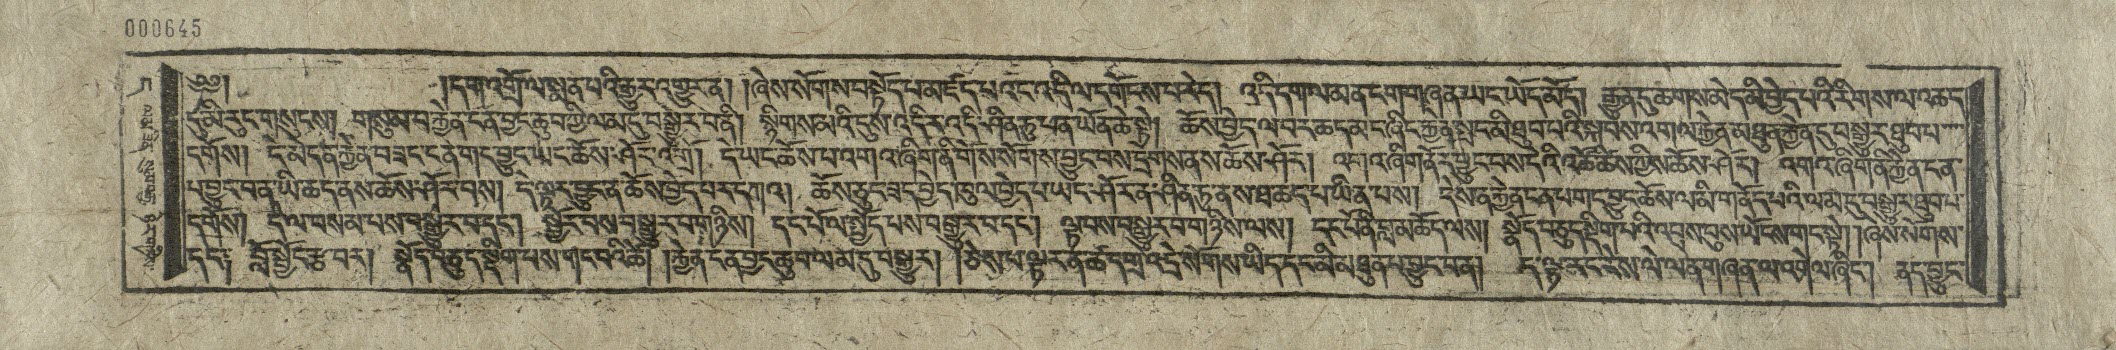༄༅། །དག་འགྲོ་ལ་སྨན་པའི་རྒྱུར་འགྱུར་ན། །ཞེས་སོགས་བསྟོད་པ་མཛད་པའང་འདི་ལ་དགོངས་པ་རེད། འདི་དག་ལ་མན་ངག་གཞན་ཡང་ཡོད་མོད། རྒྱུན་དུ་ཆགས་མེད་མི་བྱེད་པའི་རིགས་ལ་འཆད་
དུ་མི་རུང་གསུངས། གསུམ་པ་རྐྱེན་ངན་བྱང་ཆུབ་ཀྱི་ལམ་དུ་བསྒྱུར་བ་ནི། སྙིགས་མའི་དུས་འདིར་འདི་ཤིན་ཏུ་ཕན་ཡོན་ཆེ་སྟེ། ཆོས་བྱེད་ལ་བར་ཆད་མང་ཞིང་རྐྱེན་སྤང་མི་ཐུབ་པའི་སྐབས་འགལ་རྐྱེན་མཐུན་རྐྱེན་དུ་བསྒྱུར་ཐུབ་པ་
དགོས། དེ་མེད་ན་རྐྱེན་བཟང་ངན་གང་བྱུང་ཡང་ཆོས་ཤོར་འགྲོ། དེ་ཡང་ཆོས་པ་འགའ་ཞིག་ནི་གོ་ས་སོགས་བྱུང་བས་དྲེགས་ནས་ཆོས་ཤོར། འགའ་ཞིག་ནོར་བྱུང་བས་དེའི་འཚོ་ཚིས་ཀྱིས་ཆོས་ཤོར། འགའ་ཞིག་ནི་རྐྱེན་ངན་
པ་བྱུང་བ་ན་ཡི་ཆད་ནས་ཆོས་ཤོར་བས། དེ་ལྟར་བྱུང་ན་ཆོས་བྱེད་པར་དཀའ། ཆོས་ཅུང་ཟད་བྱེད་ཁུལ་བྱེད་པ་ཡང་ཤོར་ན་ཤིན་ཏུ་ནས་ཐ་ཆད་པ་ཡིན་པས། དེས་ན་རྐྱེན་ངན་པ་གང་བྱུང་ཆོས་ལ་མི་གནོད་པའི་ལམ་དུ་བསྒྱུར་ཐུབ་པ་
དགོས། དེ་ལ་བསམ་པས་བསྒྱུར་བ་དང་། སྦྱོར་བས་བསྒྱུར་བ་གཉིས། དང་པོ་ལ་སྤྱོད་པས་བསྒྱུར་བ་དང་། ལྟ་བས་བསྒྱུར་བ་གཉིས་ལས། དང་པོ་ནི་བླ་མཆོད་ལས། སྣོད་བཅུད་སྡིག་པའི་འབྲས་བུས་ཡོངས་གང་སྟེ། །ཞེས་སོགས་
དང༑ བློ་སྦྱོང་རྩ་བར། སྣོད་བཅུད་སྡིག་པས་གང་བའི་ཚེ། །རྐྱེན་ངན་བྱང་ཆུབ་ལམ་དུ་བསྒྱུར། །ཅེས་པ་ལྟར་ན་ཚ་དགྲ་འདྲེ་སོགས་ཡིད་དང་མི་མཐུན་པ་བྱུང་བ་ན། ད་ལྟ་རང་རེས་ལེ་ལན་གཞན་ལ་འགེལ་ཞིང་། ནད་བྱུང་